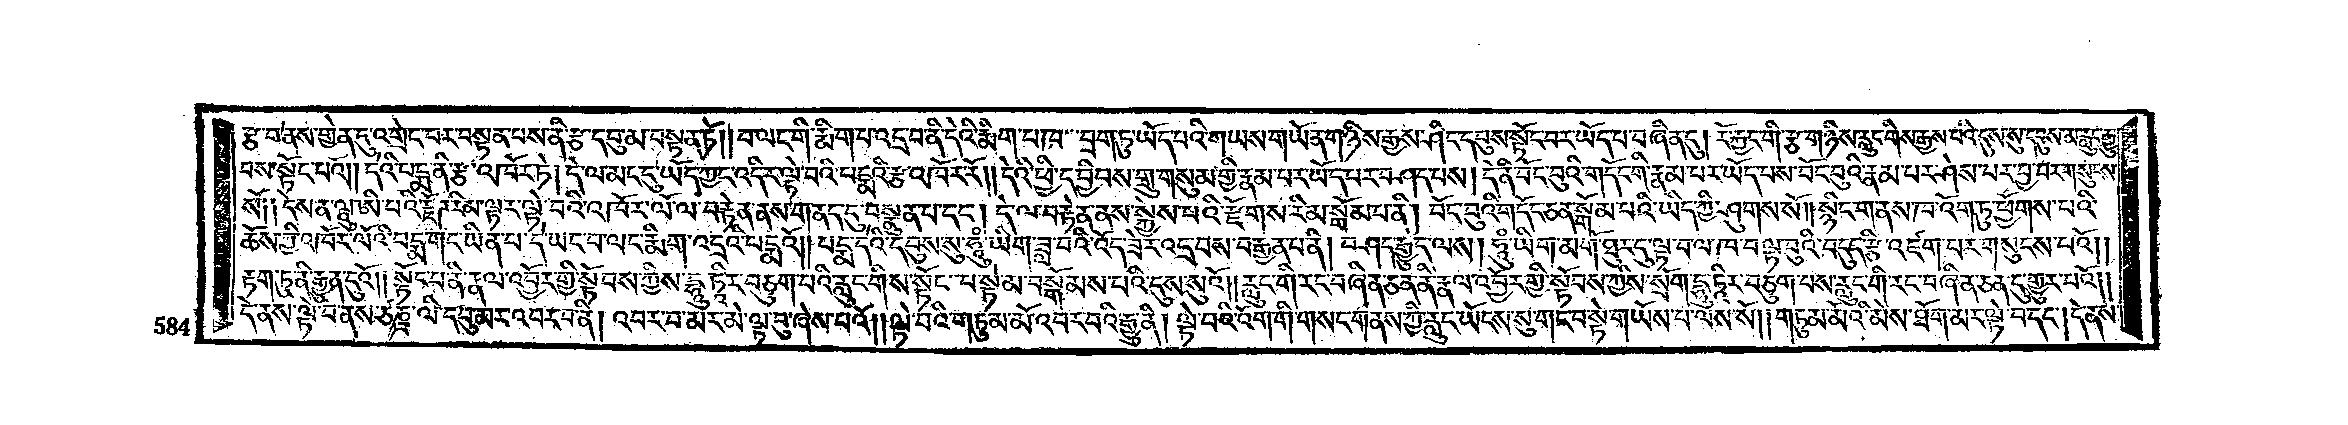རྩ་བ་ནས་གྱེན་དུ་འགྲེང་བར་བསྟན་པས་ནི་རྩ་དབུ་མ་བསྟན་ཏོ། །བ་ལང་གི་རྨིག་པ་འདྲ་བ་ནི་དེའི་རྨིག་པ་ཁ་བྲག་ཏུ་ཡོད་པའི་གཡས་གཡོན་གཉིས་རྒྱས་ཤིང་དབུས་སྟོང་བར་ཡོད་པ་བཞིན་དུ། རོ་རྐྱང་གི་རྩ་གཉིས་རླུང་གིས་རྒྱས་པའི་དུས་སུ་དབུས་མ་རླུང་རྒྱུ་
བས་སྟོང་པའོ། །དེའི་པདམ་ནི་རྩ་འཁོར་ཏེ། དེ་ལ་མང་དུ་ཡོད་ཀྱང་འདིར་ལྟེ་བའི་པདམའི་རྩ་འཁོར་རོ། །དེའི་ཕྱི་དབྱིབས་གྲུ་གསུམ་གྱི་རྣམ་པར་ཡོད་པར་བཤད་པས། དེ་ནི་བོང་བུའི་གདོང་གི་རྣམ་པར་ཡོད་པས་བོང་བུའི་རྣམ་པར་ཤེས་པར་བྱ་བར་གསུངས་
སོ༑ ༑དེས་ན་ལཱུ་ཨི་པའི་རྫོགས་རིམ་ལྟར་ལྟེ་བའི་འཁོར་ལོ་ལ་བརྟེན་ནས་གནད་དུ་བསྣུན་པ་དང་། དེ་ལ་བརྟེན་ནས་སྐྱེས་པའི་རྫོགས་རིམ་སྒོམ་པ་ནི། བོང་བུའི་གདོང་ཅན་སྒོམ་པའི་ཡིད་ཀྱི་ཤུགས་སོ། །སྙིང་ག་ནས་ཁ་འོག་ཏུ་ཕྱོགས་པའི་
ཆོས་ཀྱི་འཁོར་ལོའི་པདམ་གང་ཡིན་པ་དེ་ཡང་བ་ལང་རྨིག་འདྲའི་པདམའོ། །པདམ་དེའི་དབུས་སུ་ཧཱུཾ་ཡིག་ཟླ་བའི་འོད་ཟེར་འདྲ་བས་བརྒྱན་པ་ནི། བཤད་རྒྱུད་ལས། ཧཱུཾ་ཡིག་མགོ་ཐུར་དུ་ལྟ་བ་ལ་ཁ་བལྟ་བུའི་བདུད་རྩི་འཛག་པར་གསུངས་པའོ། །
རྟག་ཏུ་ནི་རྒྱུན་དུའོ། །སྟོང་པ་ནི་རྣལ་འབྱོར་གྱི་སྟོབས་ཀྱིས་དྷཱུ་ཏཱིར་བཅུག་པའི་རླུང་གིས་སྟོང་པ་སྟེ་མ་བསྒོམས་པའི་དུས་སུའོ། །རླུང་གི་རང་བཞིན་ཅན་ནི་རྣལ་འབྱོར་གྱི་སྟོབས་ཀྱིས་སྲོག་དྷཱུ་ཏཱིར་བཅུག་པས་རླུང་གི་རང་བཞིན་ཅན་དུ་གྱུར་པའོ། །
དེ་ནས་ལྟེ་བ་ནས་ཙཎྜ་ལི་དབུ་མར་འབར་བ་ནི། འབར་བ་མར་མེ་ལྟ་བུ་ཞེས་པའོ། །ལྟེ་བའི་གཏུམ་མོ་འབར་བའི་རྒྱུ་ནི། ལྟེ་བའི་འོག་གི་གསང་གནས་ཀྱི་རླུང་ཡོངས་སུ་གང་བ་སྟེ་གཡོས་པ་ལས་སོ། །གཏུམ་མོའི་མེས་ཐོག་མར་ལྟེ་བ་དང་། དེ་ནས་